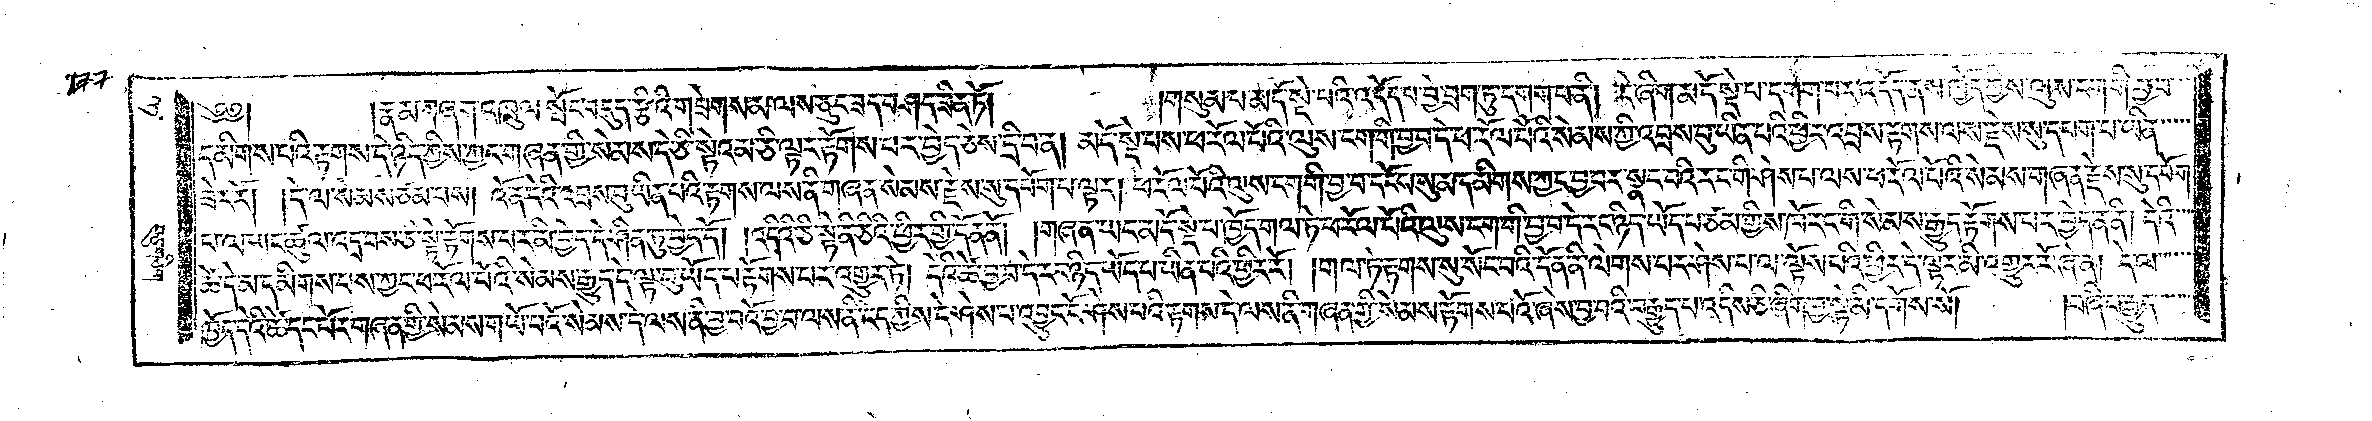༄༅། །རྣམ་གཞག་འཁྲུལ་སྤོང་བདུད་རྩིའི་གཟེགས་མ་ལས་ཅུང་ཟད་བཤད་ཟིན་ཏོ། །གསུམ་པ་མདོ་སྡེ་པའི་འདོད་པ་བྱེ་བྲག་ཏུ་དགག་པ་ནི། རེ་ཞིག་མདོ་སྡེ་པ་དགག་པར་འདོད་ནས་ཁྱོད་ཀྱིས་ལུས་ངག་གི་བྱ་བ་
དམིགས་པའི་རྟགས་དེ་ཉིད་ཀྱིས་ཀྱང་གཞན་གྱི་སེམས་དེ་ཅི་སྟེའམ་ཅི་ལྟར་རྟོགས་པར་བྱེད་ཅེས་དྲི་བ་ན། མདོ་སྡེ་པས་ཕ་རོལ་པོའི་ལུས་ངག་གི་བྱ་བ་དེ་ཕ་རོལ་པོའི་སེམས་ཀྱི་འབྲས་བུ་ཡིན་པའི་ཕྱིར་འབྲས་རྟགས་ལས་རྗེས་སུ་དཔག་པ་ཡིན་
ཟེར་རོ། །དེ་ལ་སེམས་ཙམ་པས། འོན་དེའི་འབྲས་བུ་ཡིན་པའི་རྟགས་ལས་ནི་གཞན་སེམས་རྗེས་སུ་དཔོག་པ་ལྟར། ཕ་རོལ་པོའི་ལུས་ངག་གི་བྱ་བ་དངོས་སུམ་དམིགས་ཀྱང་བྱ་བར་སྣང་བའི་རང་གི་ཤེས་པ་ལས་ཕ་རོལ་པོའི་སེམས་གཞན་རྗེས་སུ་དཔོག་
པ་ལ་ཡང་ཚུལ་འདྲ་བས་ཅི་སྟེ་རྟོགས་པར་མི་བྱེད་དེ་ཤིན་ཏུ་བྱེད་དོ། །འདིའི་ཅི་སྟེ་ནི་ཅིའི་ཕྱིར་གྱི་དོན་ནོ། །གཞན་ཡང་མདོ་སྡེ་པ་ཁྱོད་གལ་ཏེ་ཕ་རོལ་པོའི་ལུས་ངག་གི་བྱ་བ་དེ་རང་ཉིད་ཡོད་པ་ཙམ་གྱིས་ཁོ་རང་གི་སེམས་རྒྱུད་རྟོགས་པར་བྱེད་ན་ནི། དེའི་
ཚེ་དེ་མ་དམིགས་པས་ཀྱང་ཕ་རོལ་པོའི་སེམས་རྒྱུད་དེ་ལྟ་བུ་ཡོད་པ་རྟོགས་པར་འགྱུར་ཏེ། དེའི་ཚེ་བྱ་བ་དེ་རང་ཉིད་ཡོད་པ་ཡིན་པའི་ཕྱིར་རོ། །གལ་ཏེ་རྟགས་སུ་སོང་བའི་དོན་ནི་ལེགས་པར་ཤེས་པ་ལ་ལྟོས་པའི་ཕྱིར་དེ་ལྟར་མི་འགྱུར་རོ་ཞེ་ན། དེ་ལ་
ཁྱོད་དེའི་ཚེ་དང་པོར་གཞན་གྱི་སེམས་གཡོ་བའོ་སེམས་དེ་ལས་ནི་བྱ་བའོ་བྱ་བ་ལས་ནི་ངེད་ཀྱིས་དེ་ཤེས་པ་འབྱུང་ངོ་ཤེས་པའི་རྟགས་དེ་ལས་ནི་གཞན་གྱི་སེམས་རྟོགས་པའོ་ཞེས་བྱ་བའི་བརྒྱུད་པ་འདིས་ཅི་ཞིག་བྱ་སྟེ་མི་དགོས་སོ། །བཞི་པ་རྒྱུད་